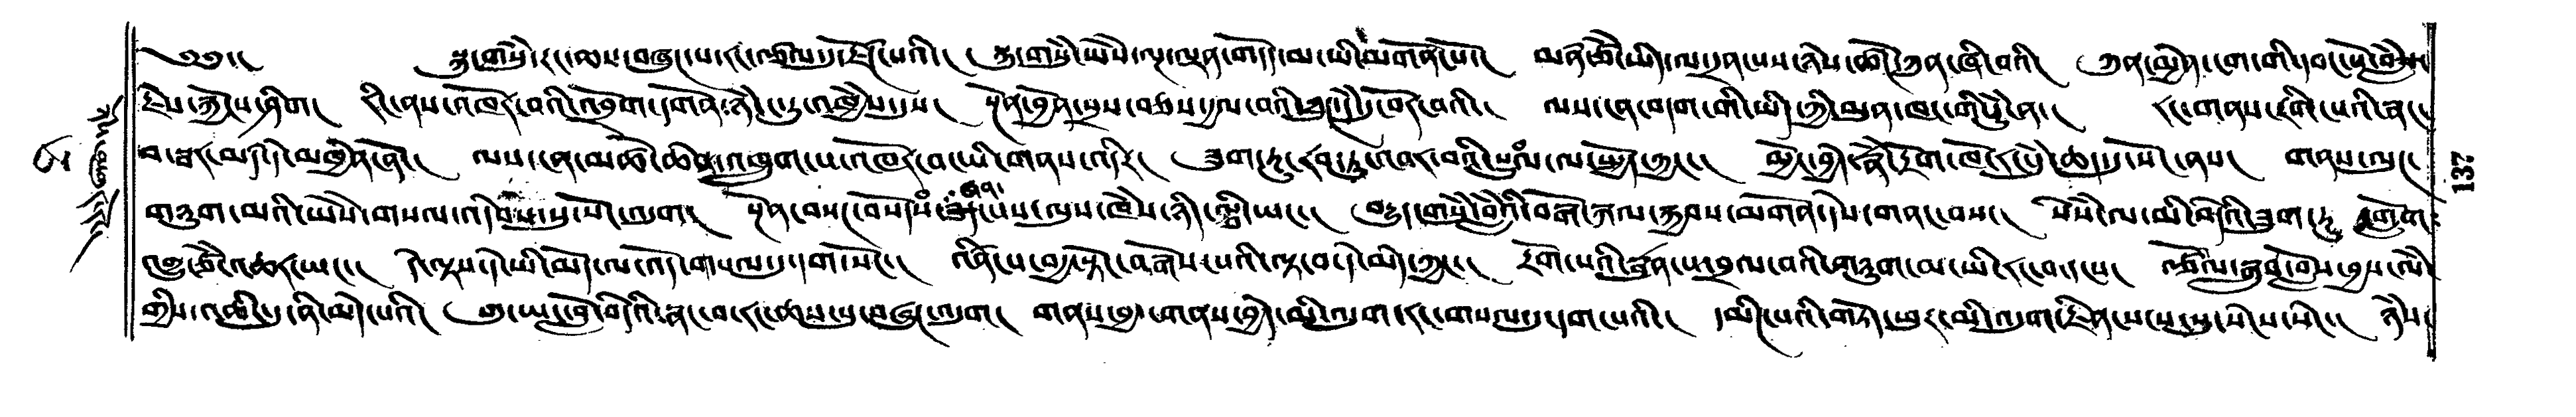སྐུ་གསུམ་རང་ཆས་བཞུགས་པ་རང་རྩལ་དུ་རྫོགས་པའི། །སྐུ་གསུམ་ཡེ་ཤེས་ལྔ་ལྡན་གདོད་མ་ཡི་མགོན་པོ། །མཚན་ཙམ་ཡིད་ལ་དྲན་པས་ཉེས་ཚོགས་ཀུན་ཞི་བའི། །ཀུན་མཁྱེན་ངག་གི་དབང་པོ་བླ་མ་
རྗེས་སྐྱོངས་ཤིག །རིང་ནས་འཁོར་བའི་འབྲོག་དགོན་ཉམ་ང་རུ་འཁྱམས་དུས། །སྔོན་བྱོན་སྲས་བཅས་རྒྱལ་བའི་ཐུགས་དམ་དུ་བོར་བའི། །ལས་ངན་བདག་གི་ཡིད་ཀྱི་མུན་ཁང་གི་རུམ་ན། །རང་གནས་རིག་པའི་སྣང་
བ་སྦར་མཛད་དེ་མཁྱེན་ནོ། །ལས་ངན་མཚོ་ཆེན་འཁྲུགས་པ་འཁོར་བ་ཡི་གནས་འདིར། །ཟུག་དུ་རབ་ཏུ་འབར་བའི་སྡུག་བསྔལ་ལ་སྤྱོད་ཀྱང་། །མྱོང་བྱེད་རྣམ་རྟོག་ཁོ་རང་དུམ་ཆད་དུ་སོང་ནས། །གནས་ལུགས་
གཉུག་མའི་ཡེ་ཤེས་གསལ་འདེབས་སུ་སོང་འདུག །སྔོན་བསགས་བསོད་ནམས་ཞན་པས་ལུས་ཁམས་ཉིད་ལྕི་ཡང་། །བརྒྱུད་གསུམ་བླ་མའི་གོ་སྐལ་སྐྱབས་མགོན་དེས་གནང་བས། །སེམས་ལ་མི་བདེའི་ཟུག་ཏུ་གློག་
འགྱུ་ཙམ་འཆར་ཡང་། །དེ་ལྟས་དེ་ཡི་མོད་ལ་འོད་གསལ་དུ་དག་སོང་། །འཛིན་པ་བརྒྱ་སྟོང་བསྒོམས་པའི་ལྟ་བ་དེ་མེད་ཀྱང་། །རྟོག་པའི་སྦུན་པ་བྲལ་བའི་གཉུག་མ་ཡི་རང་མ་དངས། །རྩོལ་སྒྲུབ་བློས་བྱས་ལམ་
གྱིས་འཆིང་དུ་ནི་མེད་པའི། །གུ་ཡངས་བློ་བདེའི་སྣང་བ་རང་ཆས་སུ་བཞུགས་འདུག །གནས་བྱ་གནས་བྱེད་མི་འདུག་རང་གསལ་དུ་དག་པའི། །དམིགས་པའི་གཏོད་ཕུར་མི་རྗེན་སངས་སུ་རྗིན་པ་ས་སུ་སེངས་སེང་། །ཉམས་